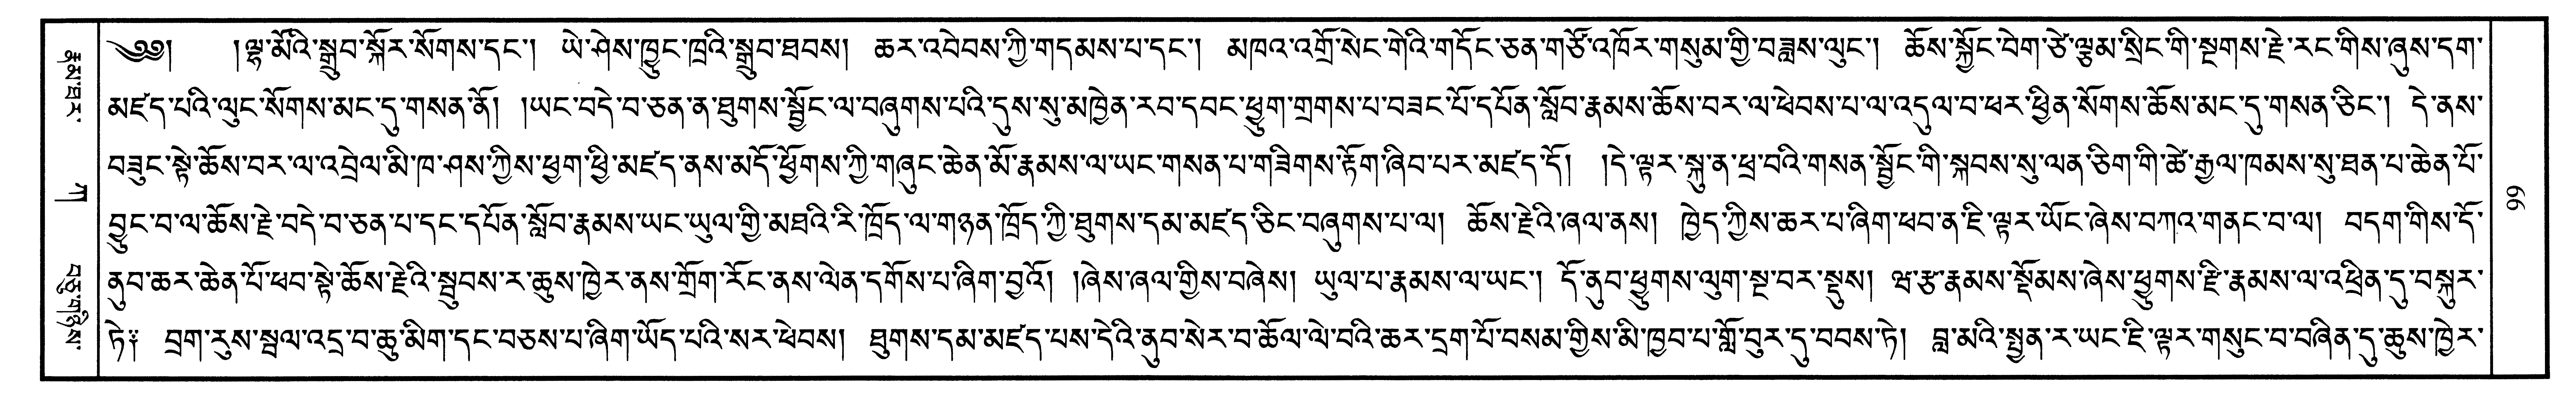༄༅། །ལྷ་མོའི་སྒྲུབ་སྐོར་སོགས་དང་། ཡེ་ཤེས་ཁྱུང་ཁྲའི་སྒྲུབ་ཐབས། ཆར་འབེབས་ཀྱི་གདམས་པ་དང་། མཁའ་འགྲོ་སེང་གེའི་གདོང་ཅན་གཙོ་འཁོར་གསུམ་གྱི་བཟླས་ལུང་། ཆོས་སྐྱོང་བེག་ཙེ་ལྕམ་སྲིང་གི་སྔགས་རྗེ་རང་གིས་ཞུས་དག་
མཛད་པའི་ལུང་སོགས་མང་དུ་གསན་ནོ། །ཡང་བདེ་བ་ཅན་ན་ཐུགས་སྦྱོང་ལ་བཞུགས་པའི་དུས་སུ་མཁྱེན་རབ་དབང་ཕྱུག་གྲགས་པ་བཟང་པོ་དཔོན་སློབ་རྣམས་ཆོས་བར་ལ་ཕེབས་པ་ལ་འདུལ་བ་ཕར་ཕྱིན་སོགས་ཆོས་མང་དུ་གསན་ཅིང་། དེ་ནས་
བཟུང་སྟེ་ཆོས་བར་ལ་འབྲེལ་མི་ཁ་ཤས་ཀྱིས་ཕྱག་ཕྱི་མཛད་ནས་མདོ་ཕྱོགས་ཀྱི་གཞུང་ཆེན་མོ་རྣམས་ལ་ཡང་གསན་པ་གཟིགས་རྟོག་ཞིབ་པར་མཛད་དོ། །དེ་ལྟར་སྐུ་ན་ཕྲ་བའི་གསན་སྦྱོང་གི་སྐབས་སུ་ལན་ཅིག་གི་ཚེ་རྒྱལ་ཁམས་སུ་ཐན་པ་ཆེན་པོ་
བྱུང་བ་ལ་ཆོས་རྗེ་བདེ་བ་ཅན་པ་དང་དཔོན་སློབ་རྣམས་ཡང་ཡུལ་གྱི་མཐའི་རི་ཁྲོད་ལ་གཉན་ཁྲོད་ཀྱི་ཐུགས་དམ་མཛད་ཅིང་བཞུགས་པ་ལ། ཆོས་རྗེའི་ཞལ་ནས། ཁྱེད་ཀྱིས་ཆར་པ་ཞིག་ཕབ་ན་ཇི་ལྟར་ཡོང་ཞེས་བཀའ་གནང་བ་ལ། བདག་གིས་དོ་
ནུབ་ཆར་ཆེན་པོ་ཕབ་སྟེ་ཆོས་རྗེའི་སྦུབས་ར་ཆུས་ཁྱེར་ནས་གྲོག་རོང་ནས་ལེན་དགོས་པ་ཞིག་བྱའོ། །ཞེས་ཞལ་གྱིས་བཞེས། ཡུལ་པ་རྣམས་ལ་ཡང་། དོ་ནུབ་ཕྱུགས་ལུག་སྔ་བར་སྡུས། ཝ་རྩ་རྣམས་སྡོམས་ཞེས་ཕྱུགས་རྫི་རྣམས་ལ་འཕྲིན་དུ་བསྐུར་
ཏེ། བྲག་རུས་སྦལ་འདྲ་བ་ཆུ་མིག་དང་བཅས་པ་ཞིག་ཡོད་པའི་སར་ཕེབས། ཐུགས་དམ་མཛད་པས་དེའི་ནུབ་སེར་བ་ཆོལ་ལེ་བའི་ཆར་དྲག་པོ་བསམ་གྱིས་མི་ཁྱབ་པ་གློ་བུར་དུ་བབས་ཏེ། བླ་མའི་སྤྱན་ར་ཡང་ཇི་ལྟར་གསུང་བ་བཞིན་དུ་ཆུས་ཁྱེར་